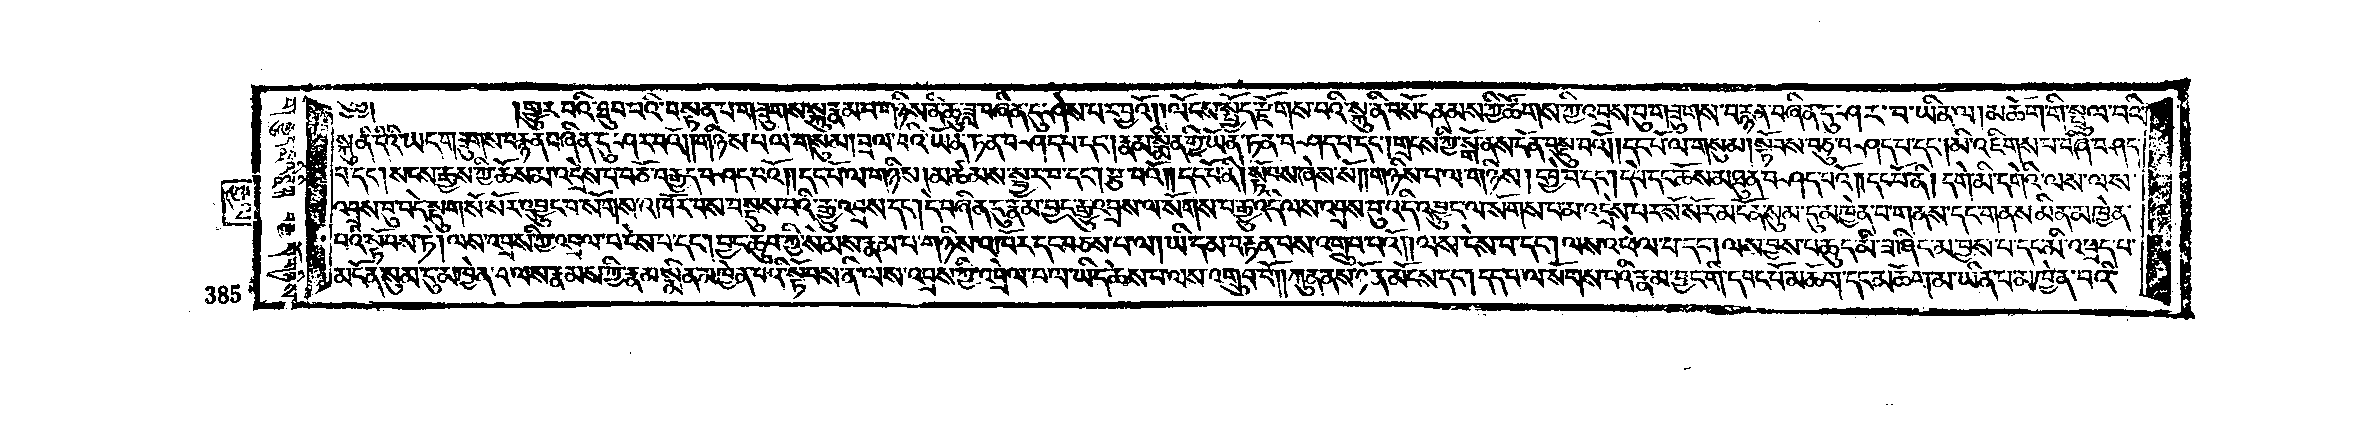༄༅། །གྱུར་པའི་ཐུབ་པའི་བསྟན་པ་གཟུགས་སྐུ་རྣམ་པ་གཉིས་ནི་ཆུ་ཟླ་བཞིན་དུ་ཤེས་པར་བྱའོ། །ལོངས་སྤྱོད་རྫོགས་པའི་སྐུ་ནི་བསོད་ནམས་ཀྱི་ཚོགས་ཀྱི་འབྲས་བུ་གཟུགས་བརྙན་བཞིན་དུ་ཤར་བ་ཡིན་ལ། མཆོག་གི་སྤྲུལ་པའི་
སྐུ་ནི་དིའི་ཡང་གཟུགས་བརྙན་བཞིན་དུ་ཤར་བའོ། །གཉིས་པ་ལ་གསུམ། བྲལ་བའི་ཡོན་ཏན་བཤད་པ་དང་། རྣམ་སྨིན་གྱི་ཡོན་ཏན་བཤད་པ་དང་། གྲངས་ཀྱི་སྒོ་ནས་དོན་བསྡུ་བའོ། །དང་པོ་ལ་གསུམ། སྟོབས་བཅུ་བཤད་པ་དང་། མི་འཇིགས་པ་བཞི་བཤད་
པ་དང་། སངས་རྒྱས་ཀྱི་ཆོས་མ་འདྲེས་པ་བཅོ་བརྒྱད་བཤད་པའོ། །དང་པོ་ལ་གཉིས། མཚམས་སྦྱར་བ་དང་། རྩ་བའོ། །དང་པོ་ནི། སྟོབས་ཞེས་སོ། །གཉིས་པ་ལ་གཉིས། དབྱེ་བ་དང་། དཔེ་དང་ཆོས་མཐུན་བཤད་པའོ། །དང་པོ་ནི། དགེ་མི་དགེའི་ལས་ལས་
འབྲས་བུ་བདེ་སྡུག་སོ་སོར་འབྱུང་བ་སོགས་འཁོར་བས་བསྡུས་པའི་རྒྱུ་འབྲས་དང་། དེ་བཞིན་དུ་རྣམ་བྱང་རྒྱུ་འབྲས་ལ་སོགས་པ་རྒྱུ་འདི་ལས་འབྲས་བུ་འདི་འབྱུང་ལ་སོགས་པ་མ་འདྲེས་པར་སོ་སོར་མངོན་སུམ་དུ་མཁྱེན་པ་གནས་དང་གནས་མིན་མཁྱེན་
པའི་སྟོབས་ཏེ། ལས་འབྲས་ཀྱི་འབྲལ་བ་ངེས་པ་དང་། བྱང་ཆུབ་ཀྱི་སེམས་རྣམ་པ་གཉིས་འཁོར་དང་བཅས་པ་ལ། ཡི་དམ་བརྟན་པས་འགྲུབ་པའོ། །ལས་ངེས་པ་དང་། ལས་འཕེལ་པ་དང་། ལས་བྱས་པ་ཆུད་མི་ཟ་ཞིང་མ་བྱས་པ་དང་མི་འཕྲད་པ་
མངོན་སུམ་དུ་མཁྱེན་པ་ལས་རྣམས་ཀྱི་རྣམ་སྨིན་མཁྱེན་པའི་སྟོབས་ནི་ལས་འབྲས་ཀྱི་འབྲེལ་པ་ལ་ཡིད་ཆེས་པ་ལས་འགྲུབ་བོ། །ཀུན་ནས་ཉོན་མོངས་དང་། དད་པ་ལ་སོགས་པའི་རྣམ་བྱང་གི་དབང་པོ་མཆོག་དང་མཆོག་མ་ཡིན་པ་མཁྱེན་པའི་